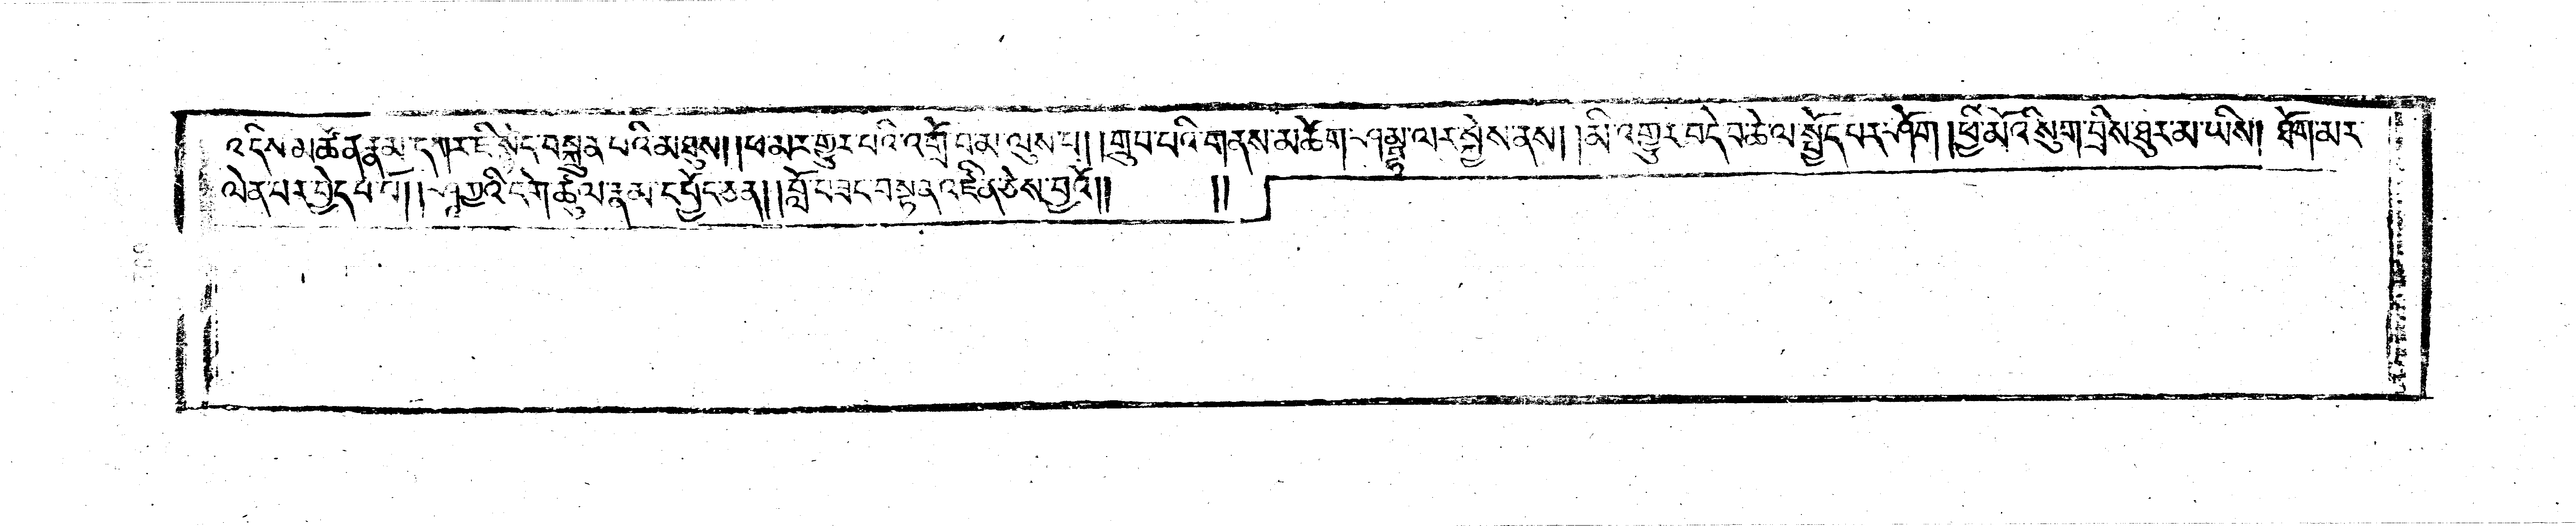འདིས་མཚོན་རྣམ་དཀར་ཇི་སྙེད་བསྐྲུན་པའི་མཐུས། །ཕ་མར་གྱུར་པའི་འགྲོ་བ་མ་ལུས་པ། །གྲུབ་པའི་གནས་མཆོག་ཤམྦྷ་ལར་སྐྱེས་ནས། །མི་འགྱུར་བདེ་བ་ཆེ་ལ་སྤྱོད་པར་ཤོག །ཕྱི་མོའི་སུག་བྲིས་ཐུར་མ་ཡིས། ཐོག་མར་
ལེན་པར་བྱེད་པ་པོ། །ཤཱཀྱའི་དགེ་ཚུལ་རྣམ་དཔྱོད་ཅན། །བློ་བཟང་བསྟན་འཛིན་ཅེས་བྱའོ།། །།